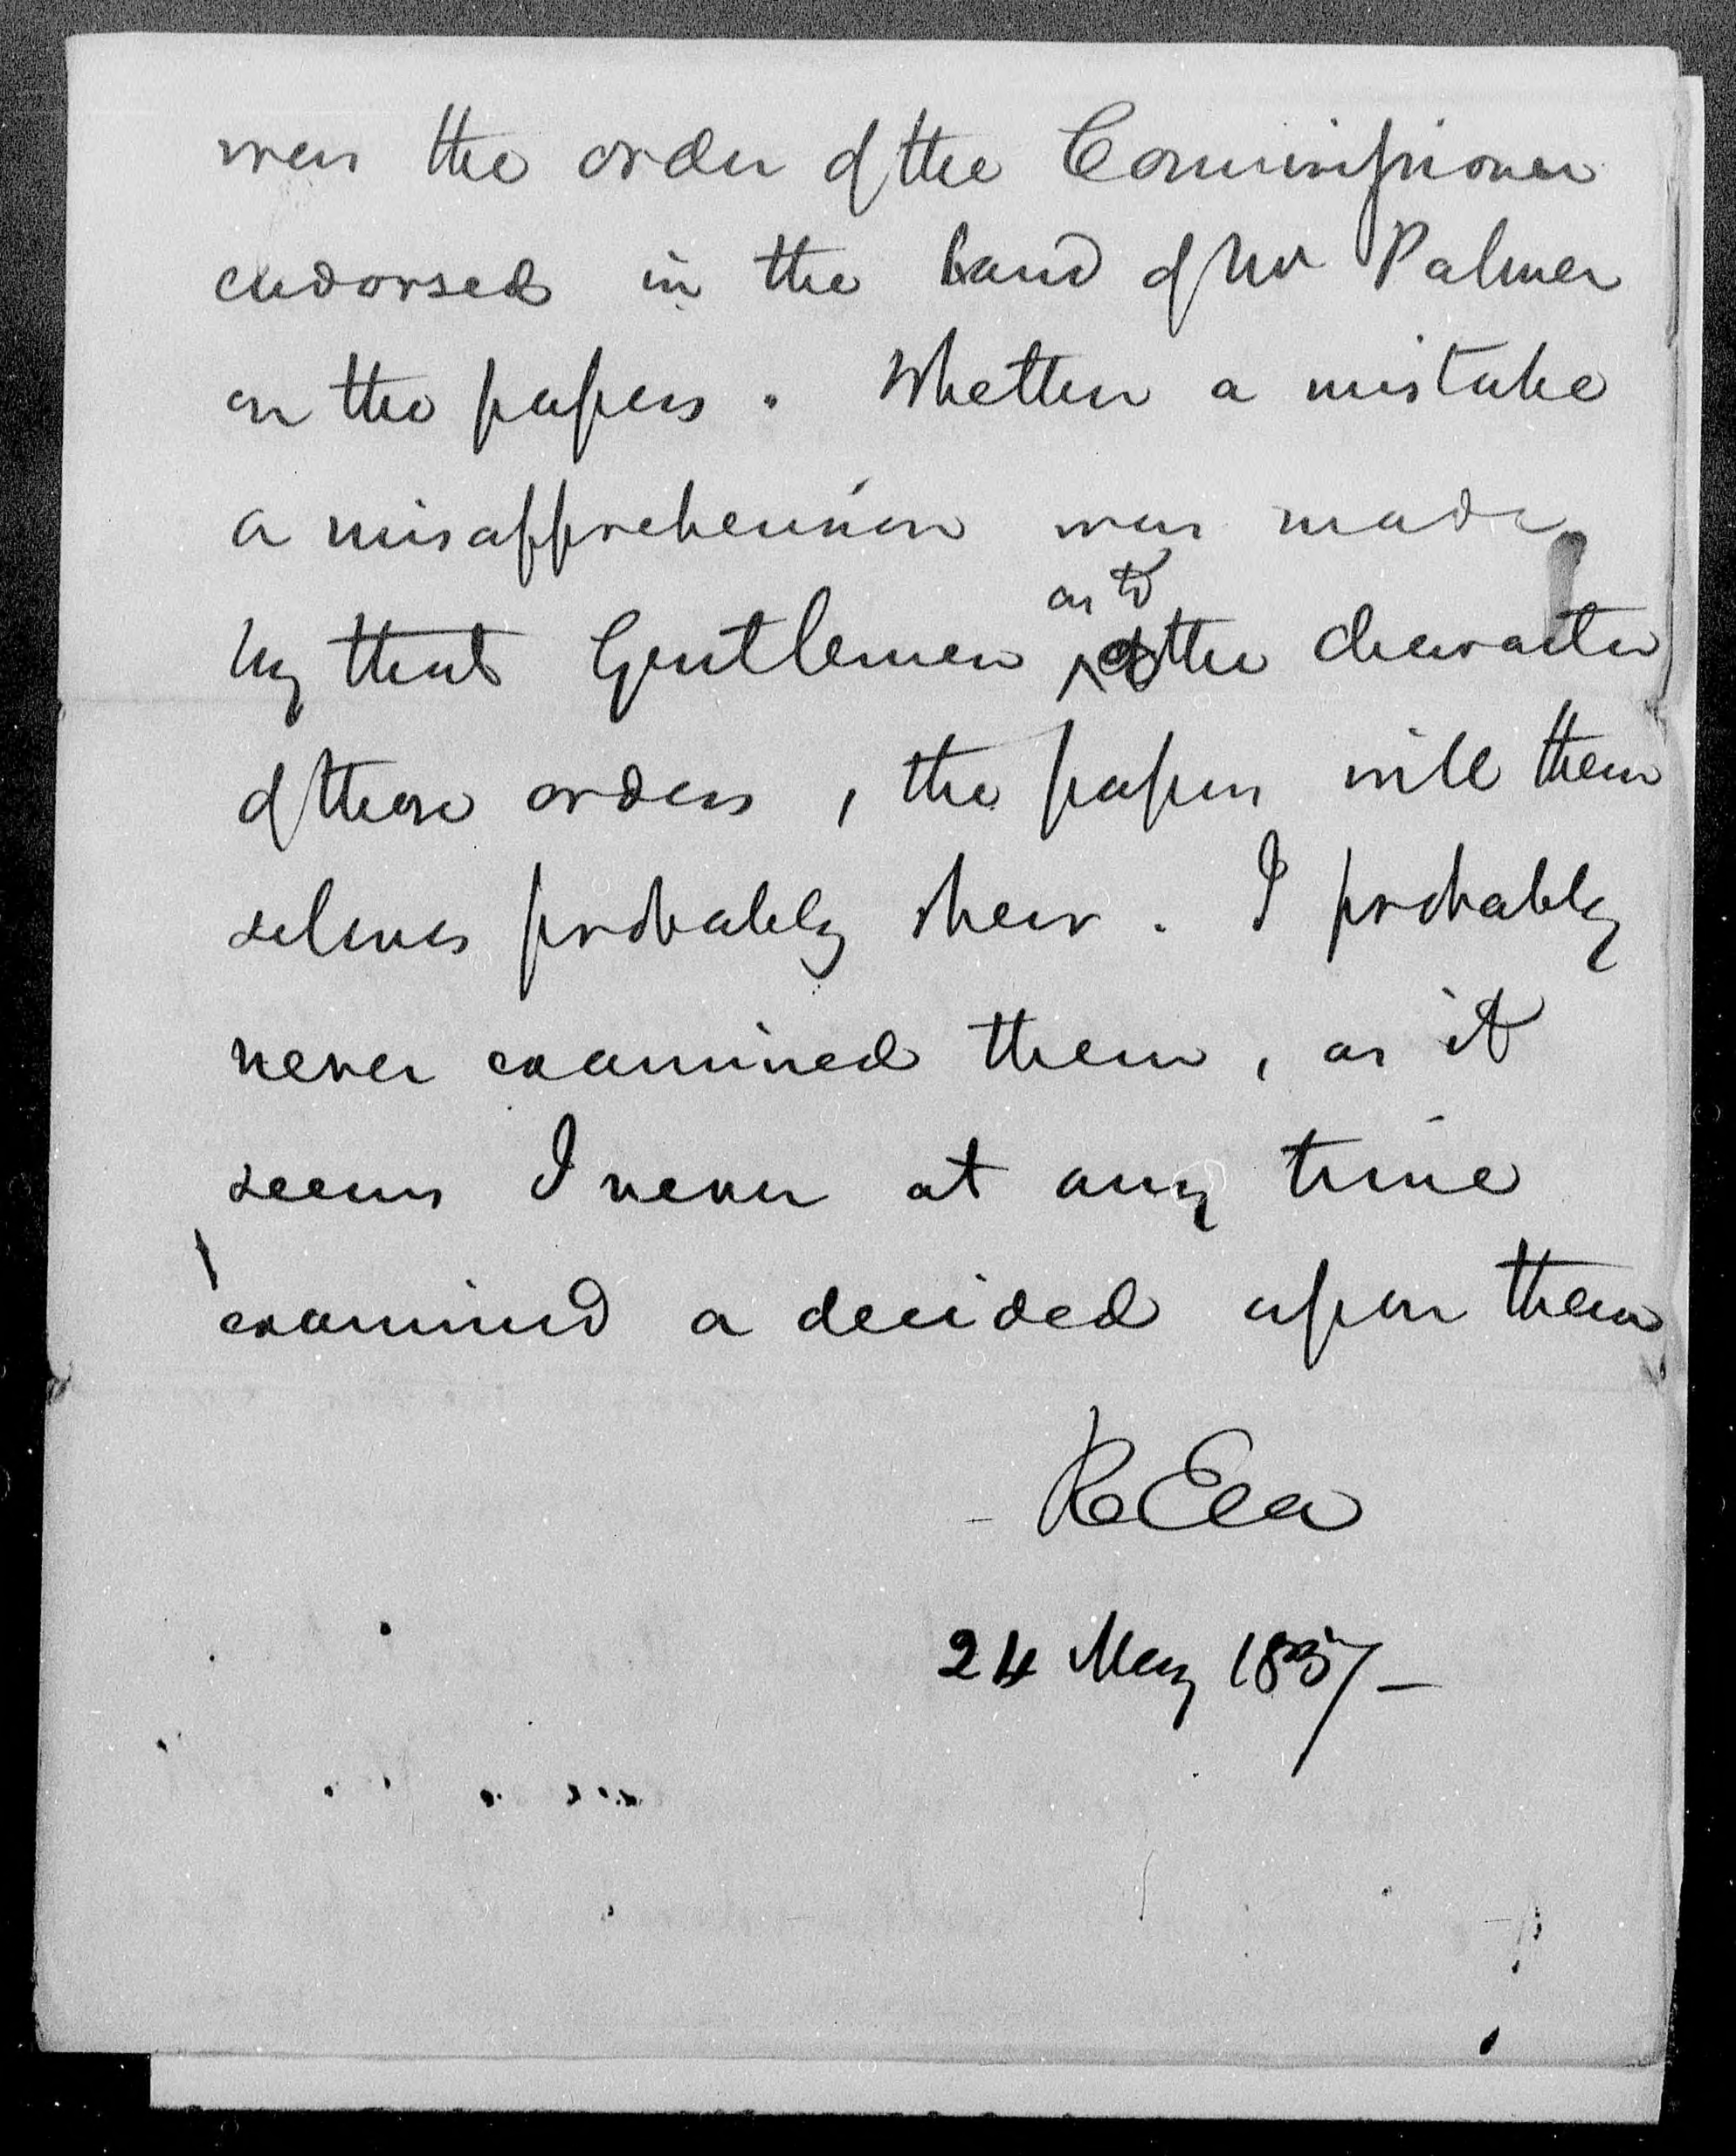[continued from previous page]

was the order of the Commissioner endorsed in the brand of Mr Palmer on the papers.  Whether a mistake a misapprehension was made by that gentlemen as to the duration of the orders, the papers will then [?] probably there.  I probably never examined them, as it seems I never at any time examined or decided after then.

R Ela
24 May 1837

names: R Ela, Palmer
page: 35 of 38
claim: widow's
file: W. 6644, Jacob Casterline, New Jersey